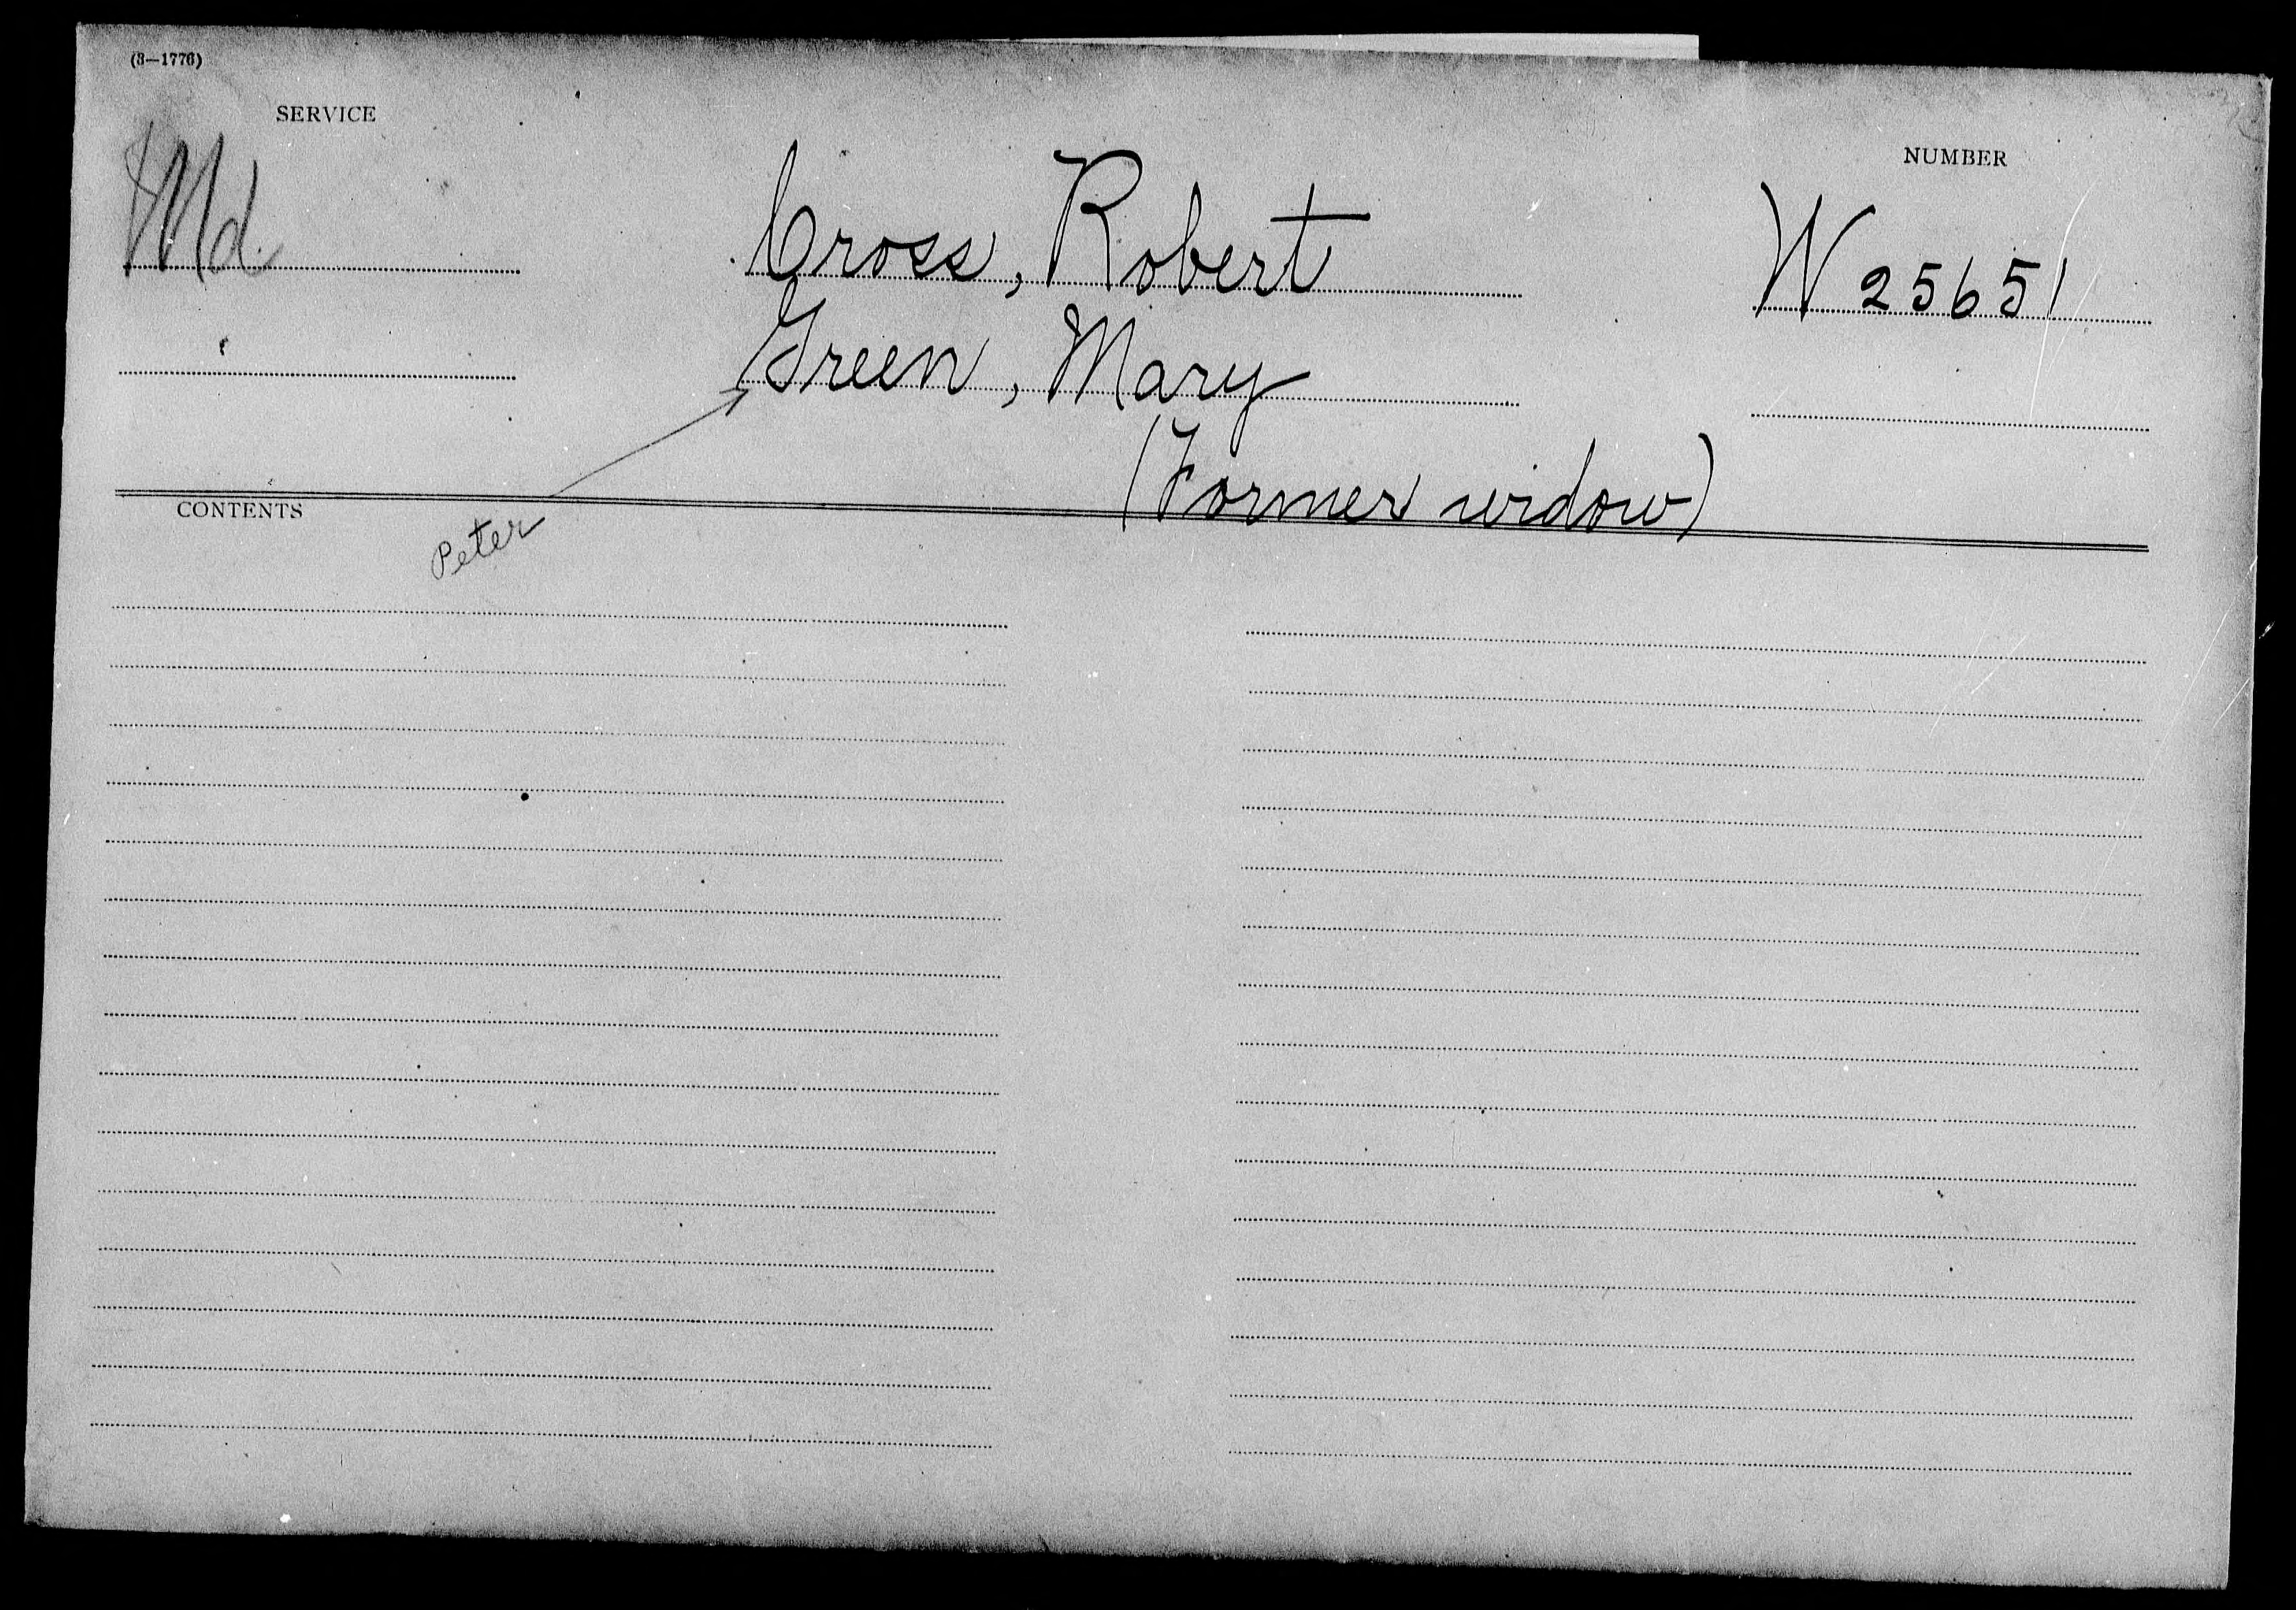(3-1776)

SERVICE
Md.

Cross, Robert
Green, Mary
(Peter Green) (Former Widow)

NUMBER
W25651

CONTENTS
[blank]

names: Peter Green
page: 1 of 26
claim: widow's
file: W 25651, Robert Cross, Md.